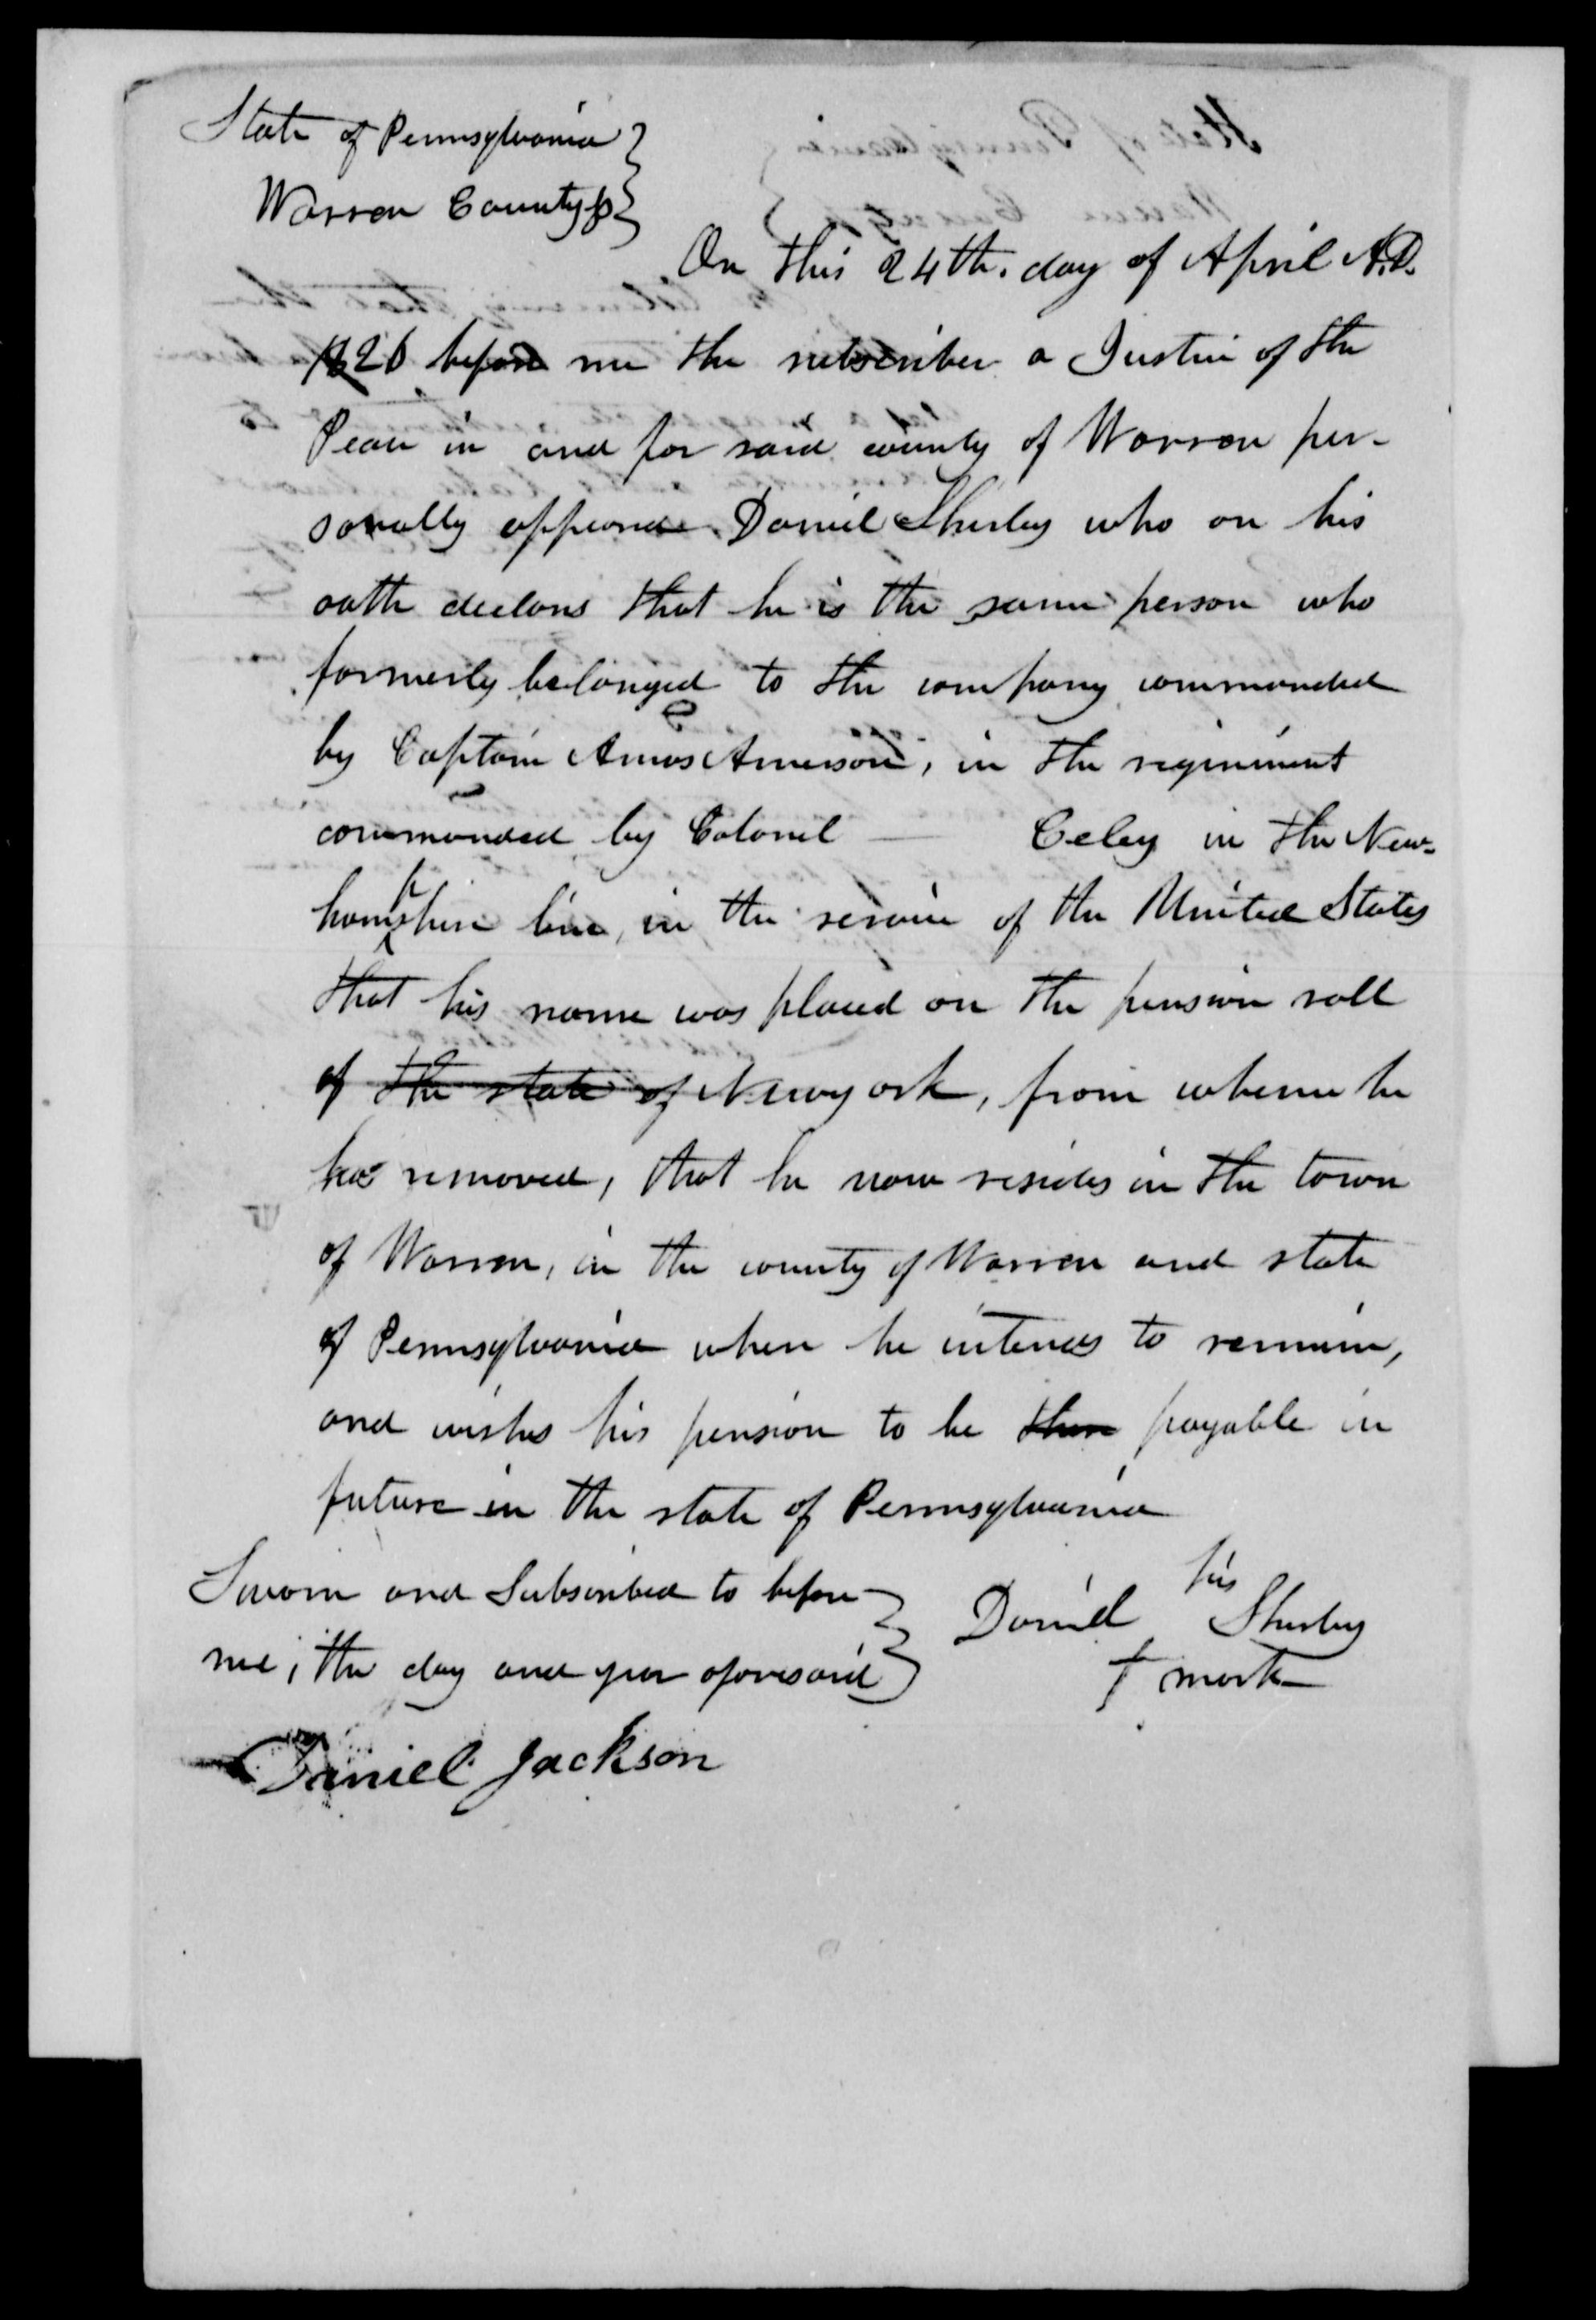State of Pennsylvania        )
Warren County  fs             )

On this 24th day of April A.D. 1826 before me the subscriber a Justice of the Peace in and for said county of Warren personally appeared Daniel Shirley who on his oath declares that he is the same person who formerly belonged to the company commanded by Captain Amos Amerson, in the regiment commanded by Colonel---Celey in the Newhampshire line in the service of the United States that his name was placed on the pension roll of the state of Newyork, from whence he has removed, that he now resides in the town of Warren, in the county of Warren and State of Pennsylvania where he intends to remain, and wishes his pension to be ["there" stricken out] payable in future in the state of Pennsylvania
Daniel his x mark  Shirley

Sworn and Subscribed to before me, the day and year aforesaid
Daniel Jackson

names: Daniel Shirley; [BLANK] Celey; Daniel Shirley; Daniel Jackson; Amos Amerson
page: 16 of 20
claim: survivor's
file: S. 40412, for Daniel Shirley, New Hampshire